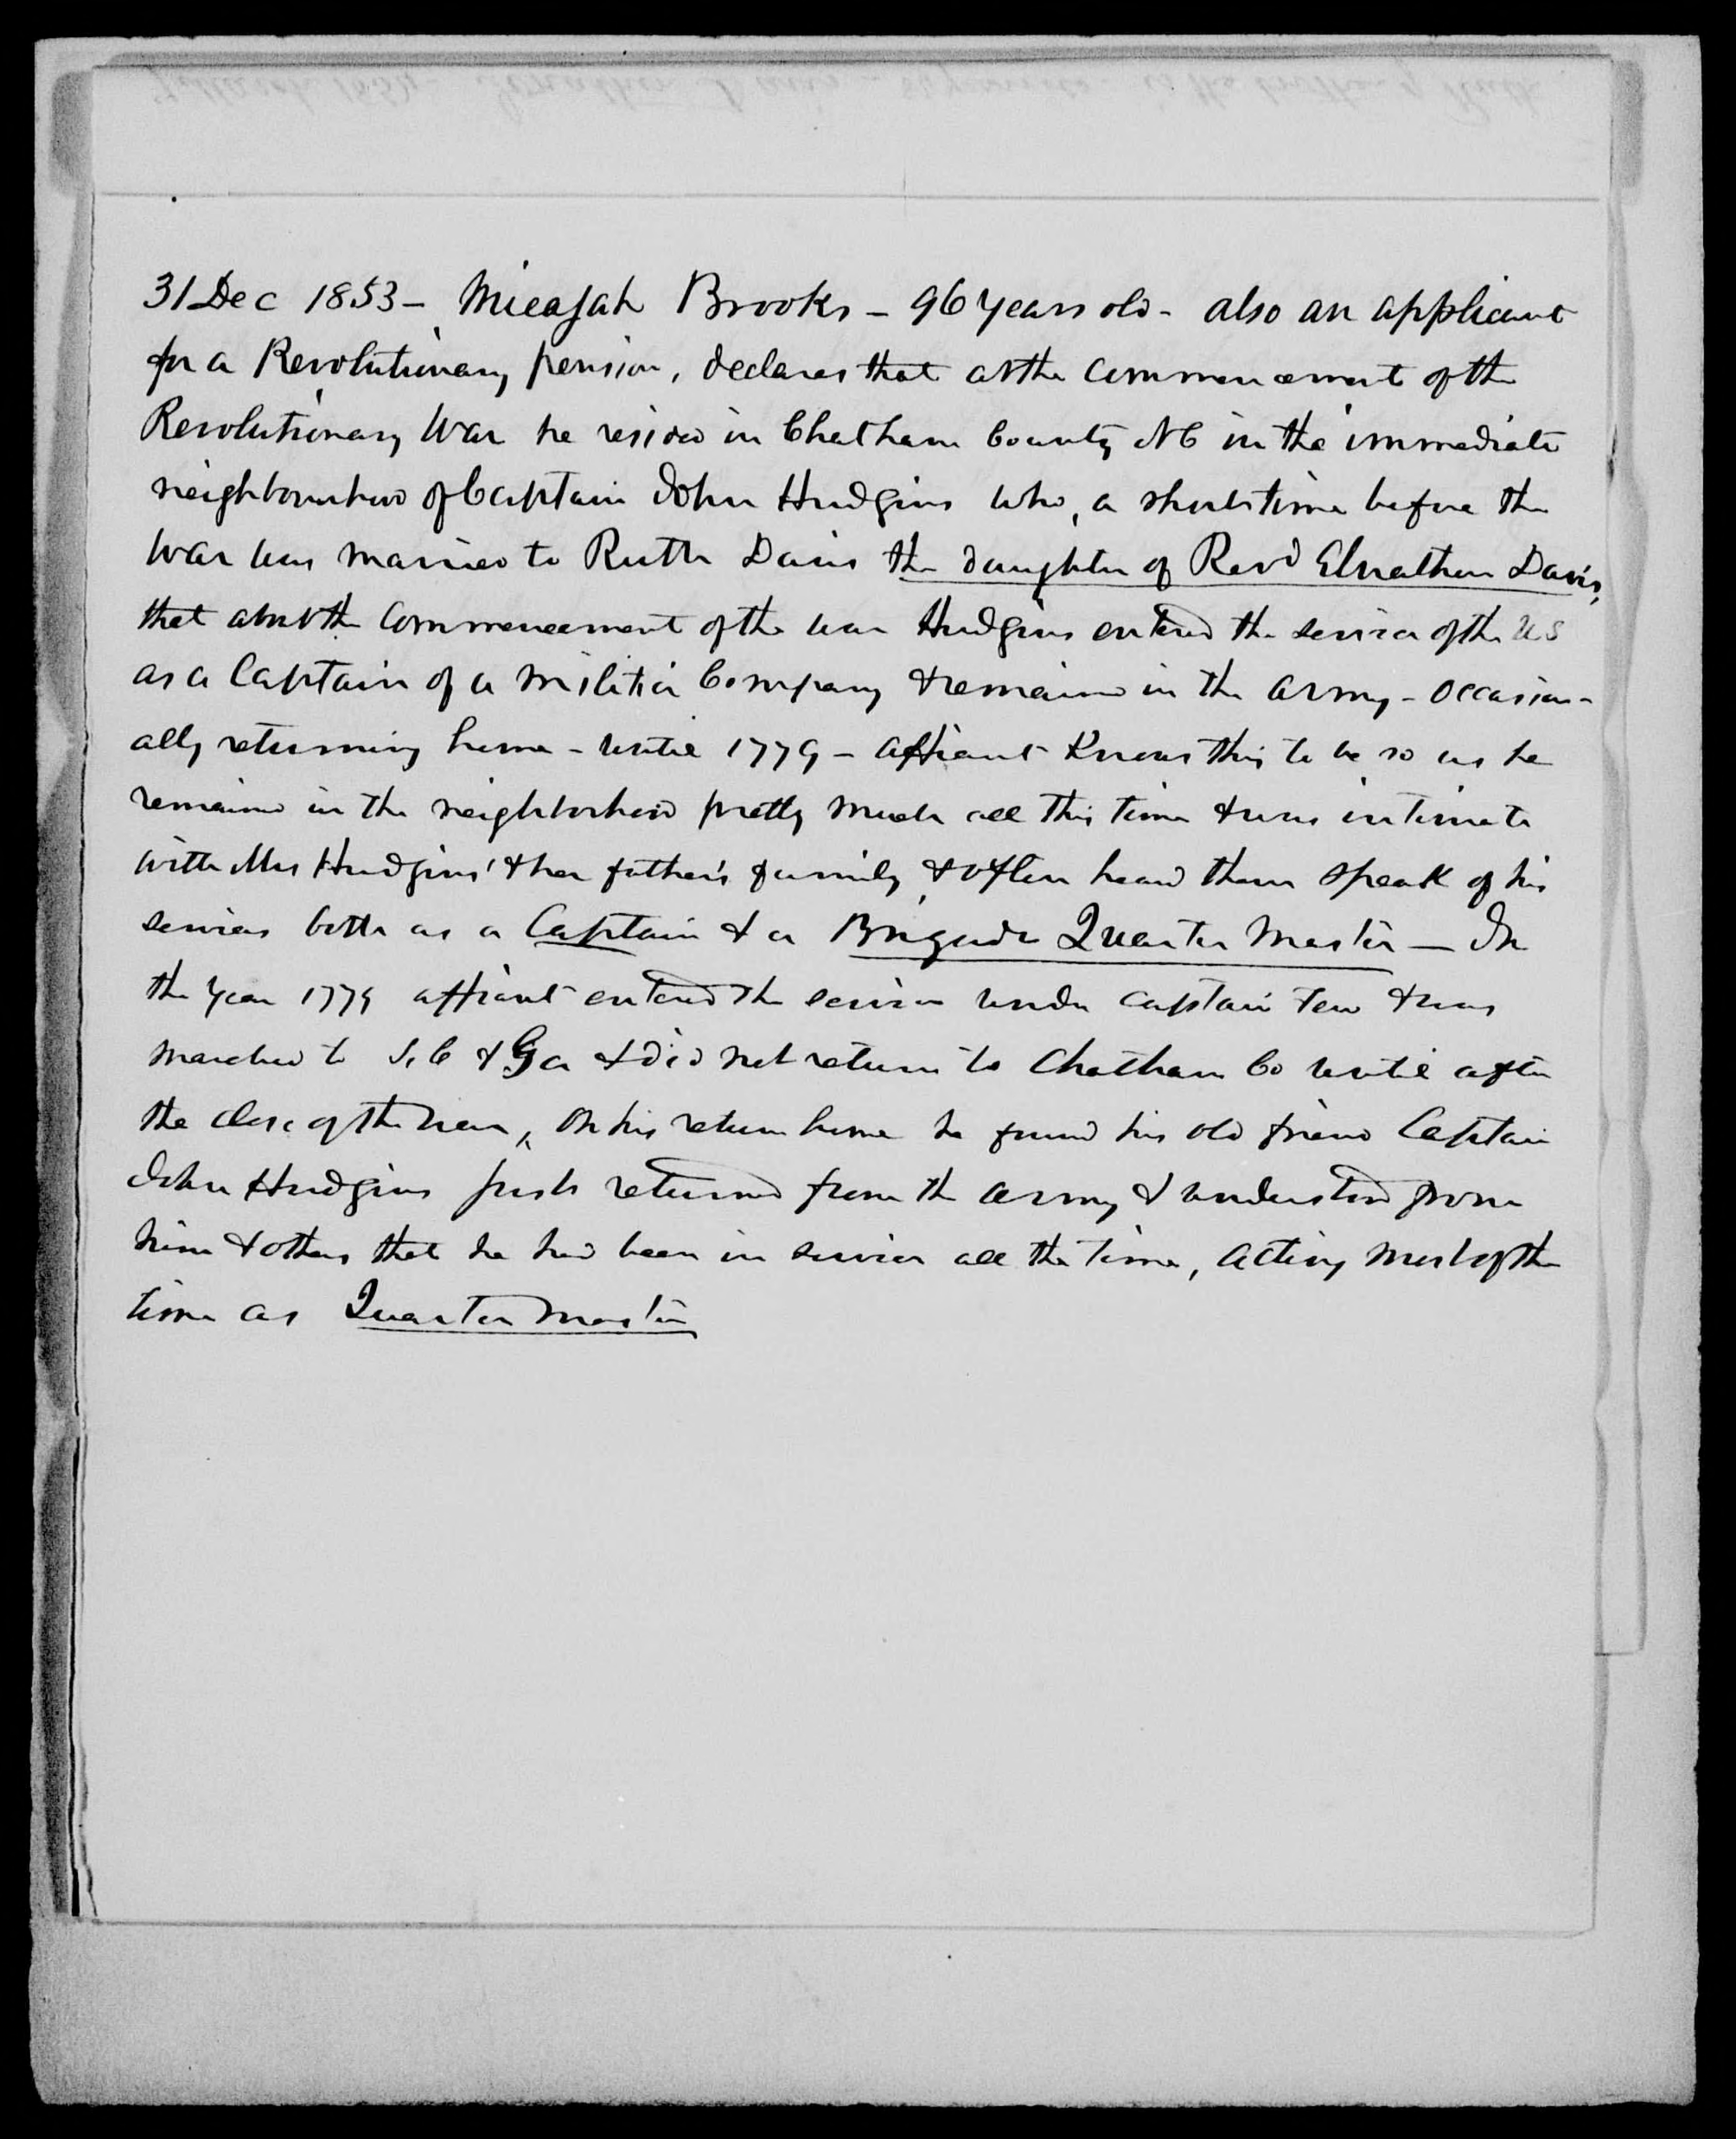31 Dec 1853 - Micajah Brooks - 96 years old - also an applicant for a Revolutionary pension, declares that at the commencement of the Revolutionary War to he resides in Chatham County NC in the immediate neighbourhood of Captain John Hidgins who a short time before the war was married to Ruth Davis the daughter of Rev Elnathan Davis, that about the commencement of the war Hidgins entered the service of the U.S. as a Captain of the militia Company & remained in the army - occasionally returning home - until 1779 - applicant known this to be so as he remains in the neighborhood pretty much all this time & was intimate with Mrs. Hudgins & her father's family & often heard them speak of his services both as a Captain & a Brigade Quarter  Master - In the year 1779 affiant entered service under Captain Tew & was marched to S.C. & Ga. & did not return to Chatham Co. until after the close of the war. On his return home he found his old friend Captain John Hudgins just returned from the army & understand from him & others that he had been in service all the time, acting him [illegible] as Quarter Master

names: John Hudgins, Elnathan Davis, Ruth Davis, Micajah Brooks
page: 55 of 108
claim: rejected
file: R. 7,515, John Hudgins, N.C.